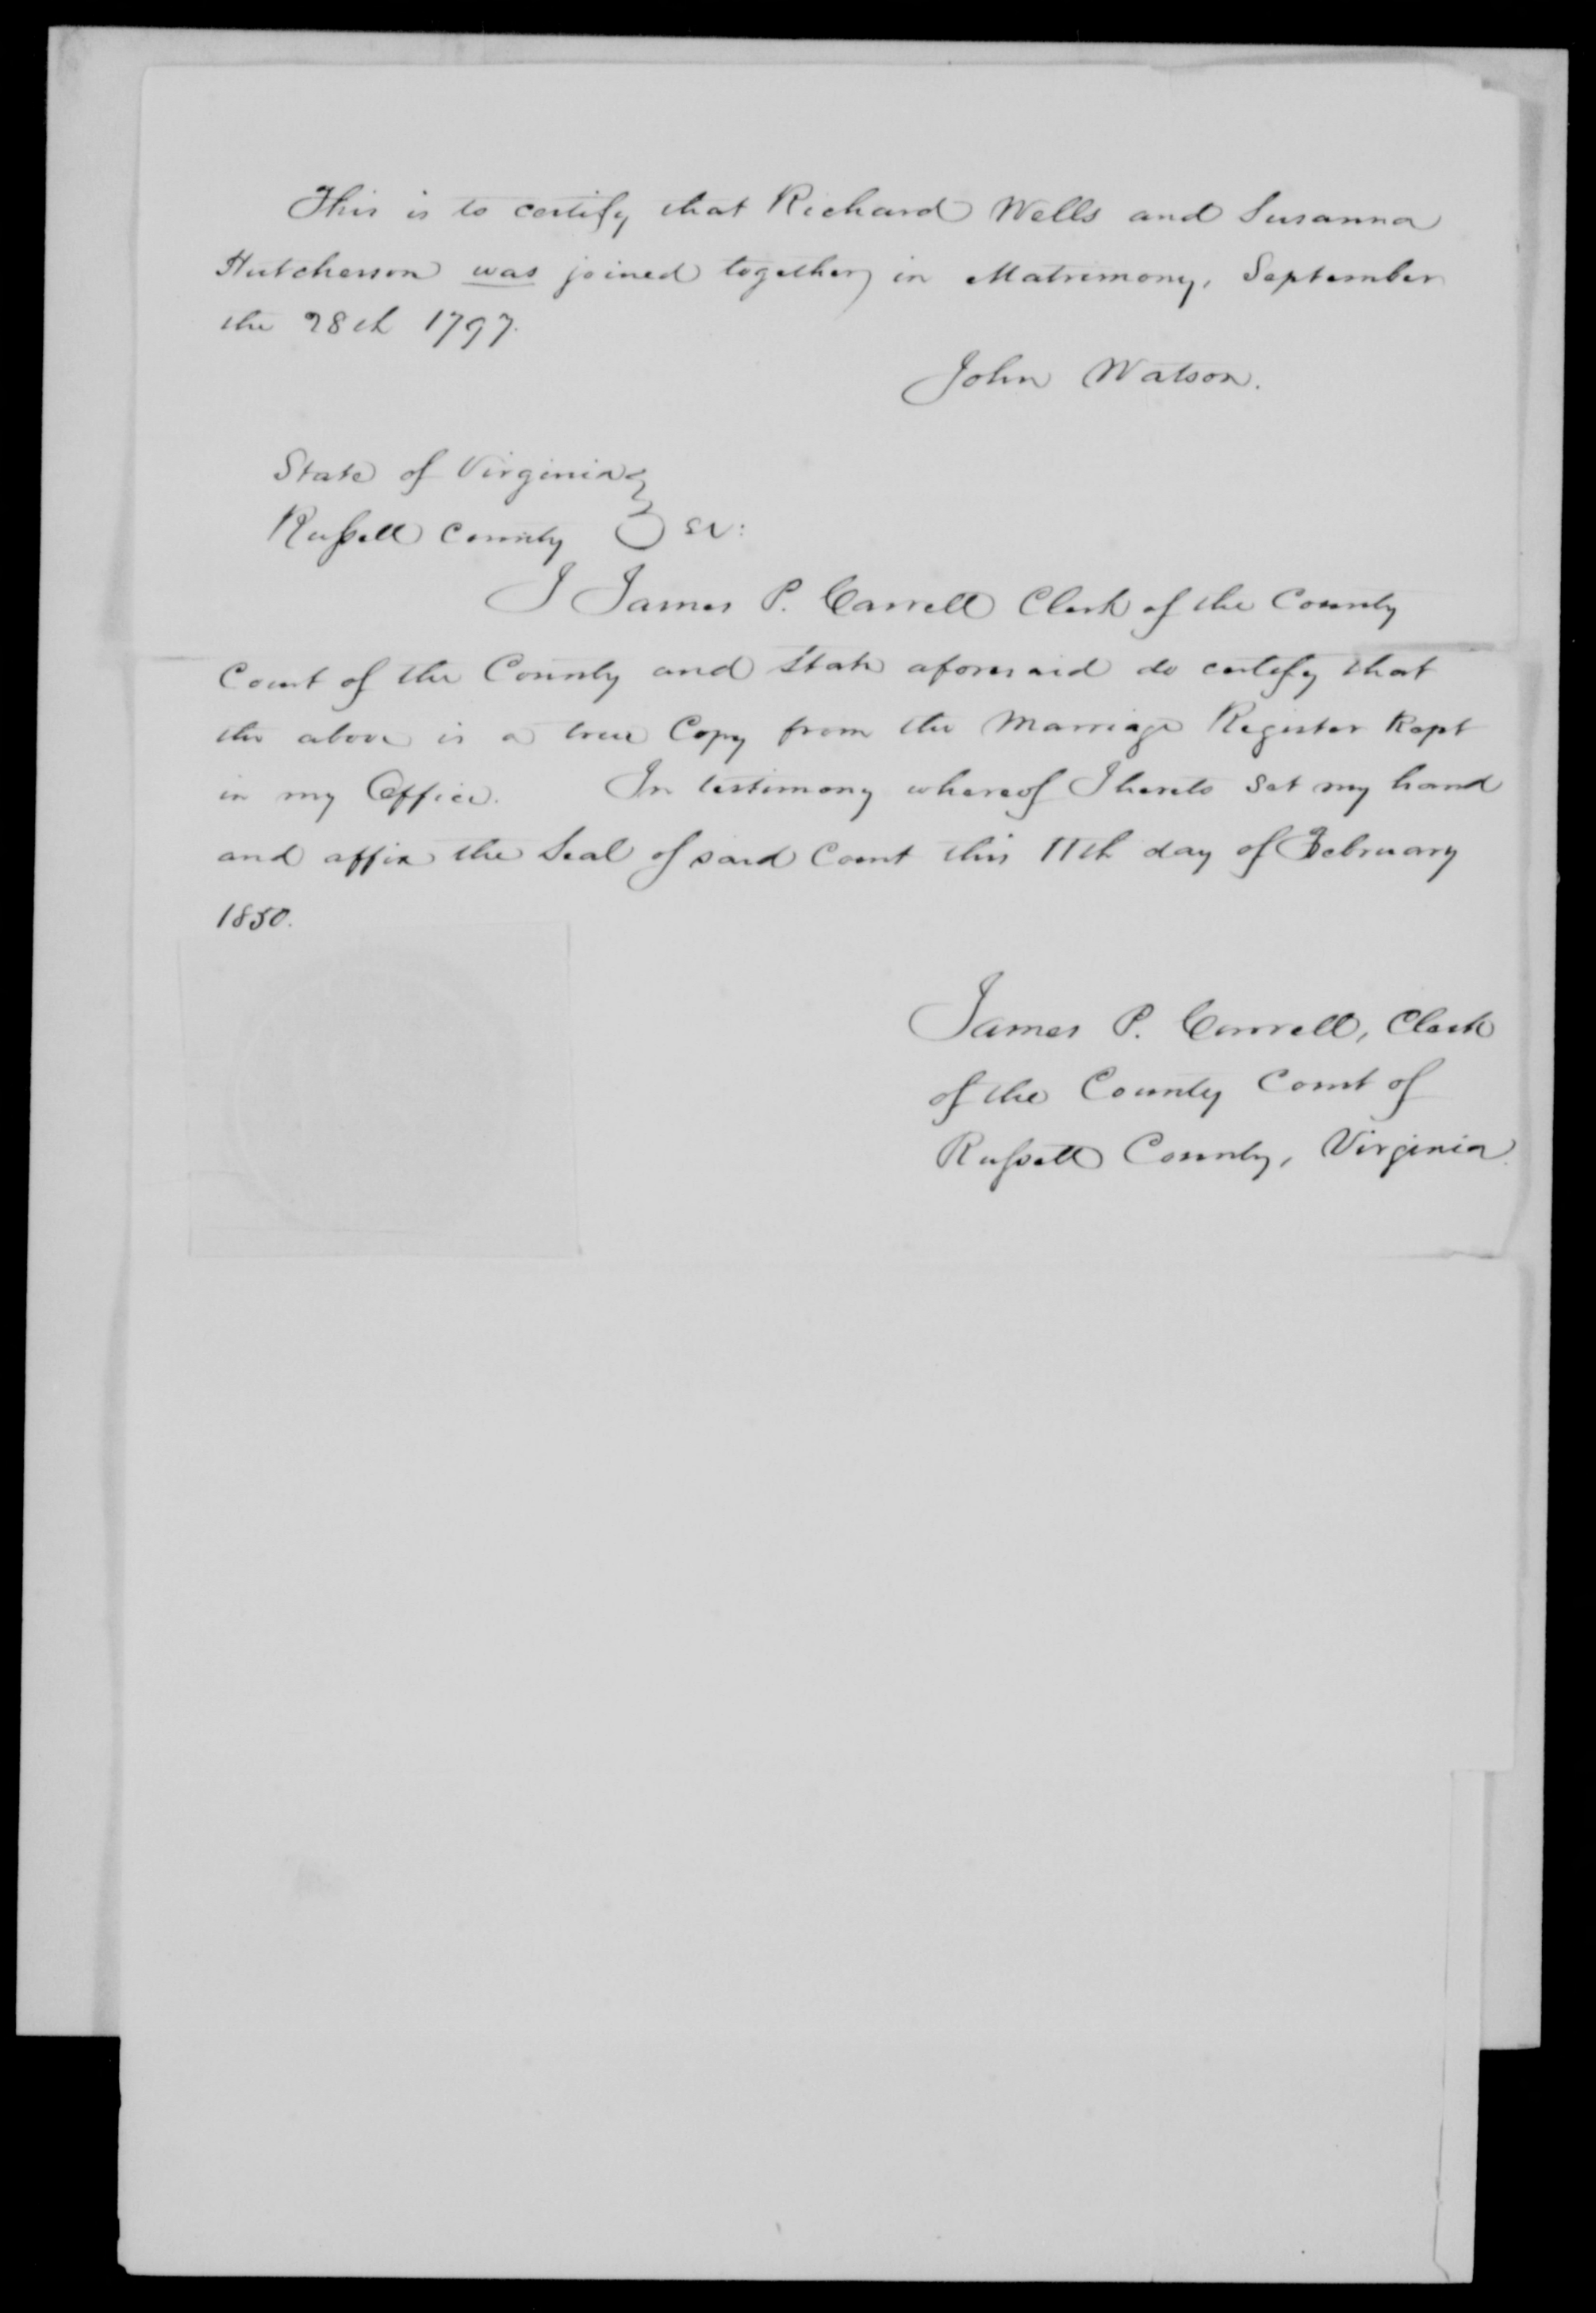This is to certify that Richard Wells and Susanna
Hutcherson was joined together in Matrimony, September
the 28th 1797.
John Watson
State of Virginia
Russell County ⎬
James P. Carrell Clerk of the County
Court of the County and State aforesaid do certify that the
above is a true copy from the Marriage Register kept
in my Office.
In testimony whereof I hereto set my hand
and affix the Seal of said Court this 11th day of February
1850.
James P. Carrell, Clerk
of the County Court of
Russell County, Virginia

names: Susanna Hutcheson, John Watson, Richard Wells, James P Carrell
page: 10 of 100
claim: widow's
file: W. 6437, Richard Wells, Ga Va.